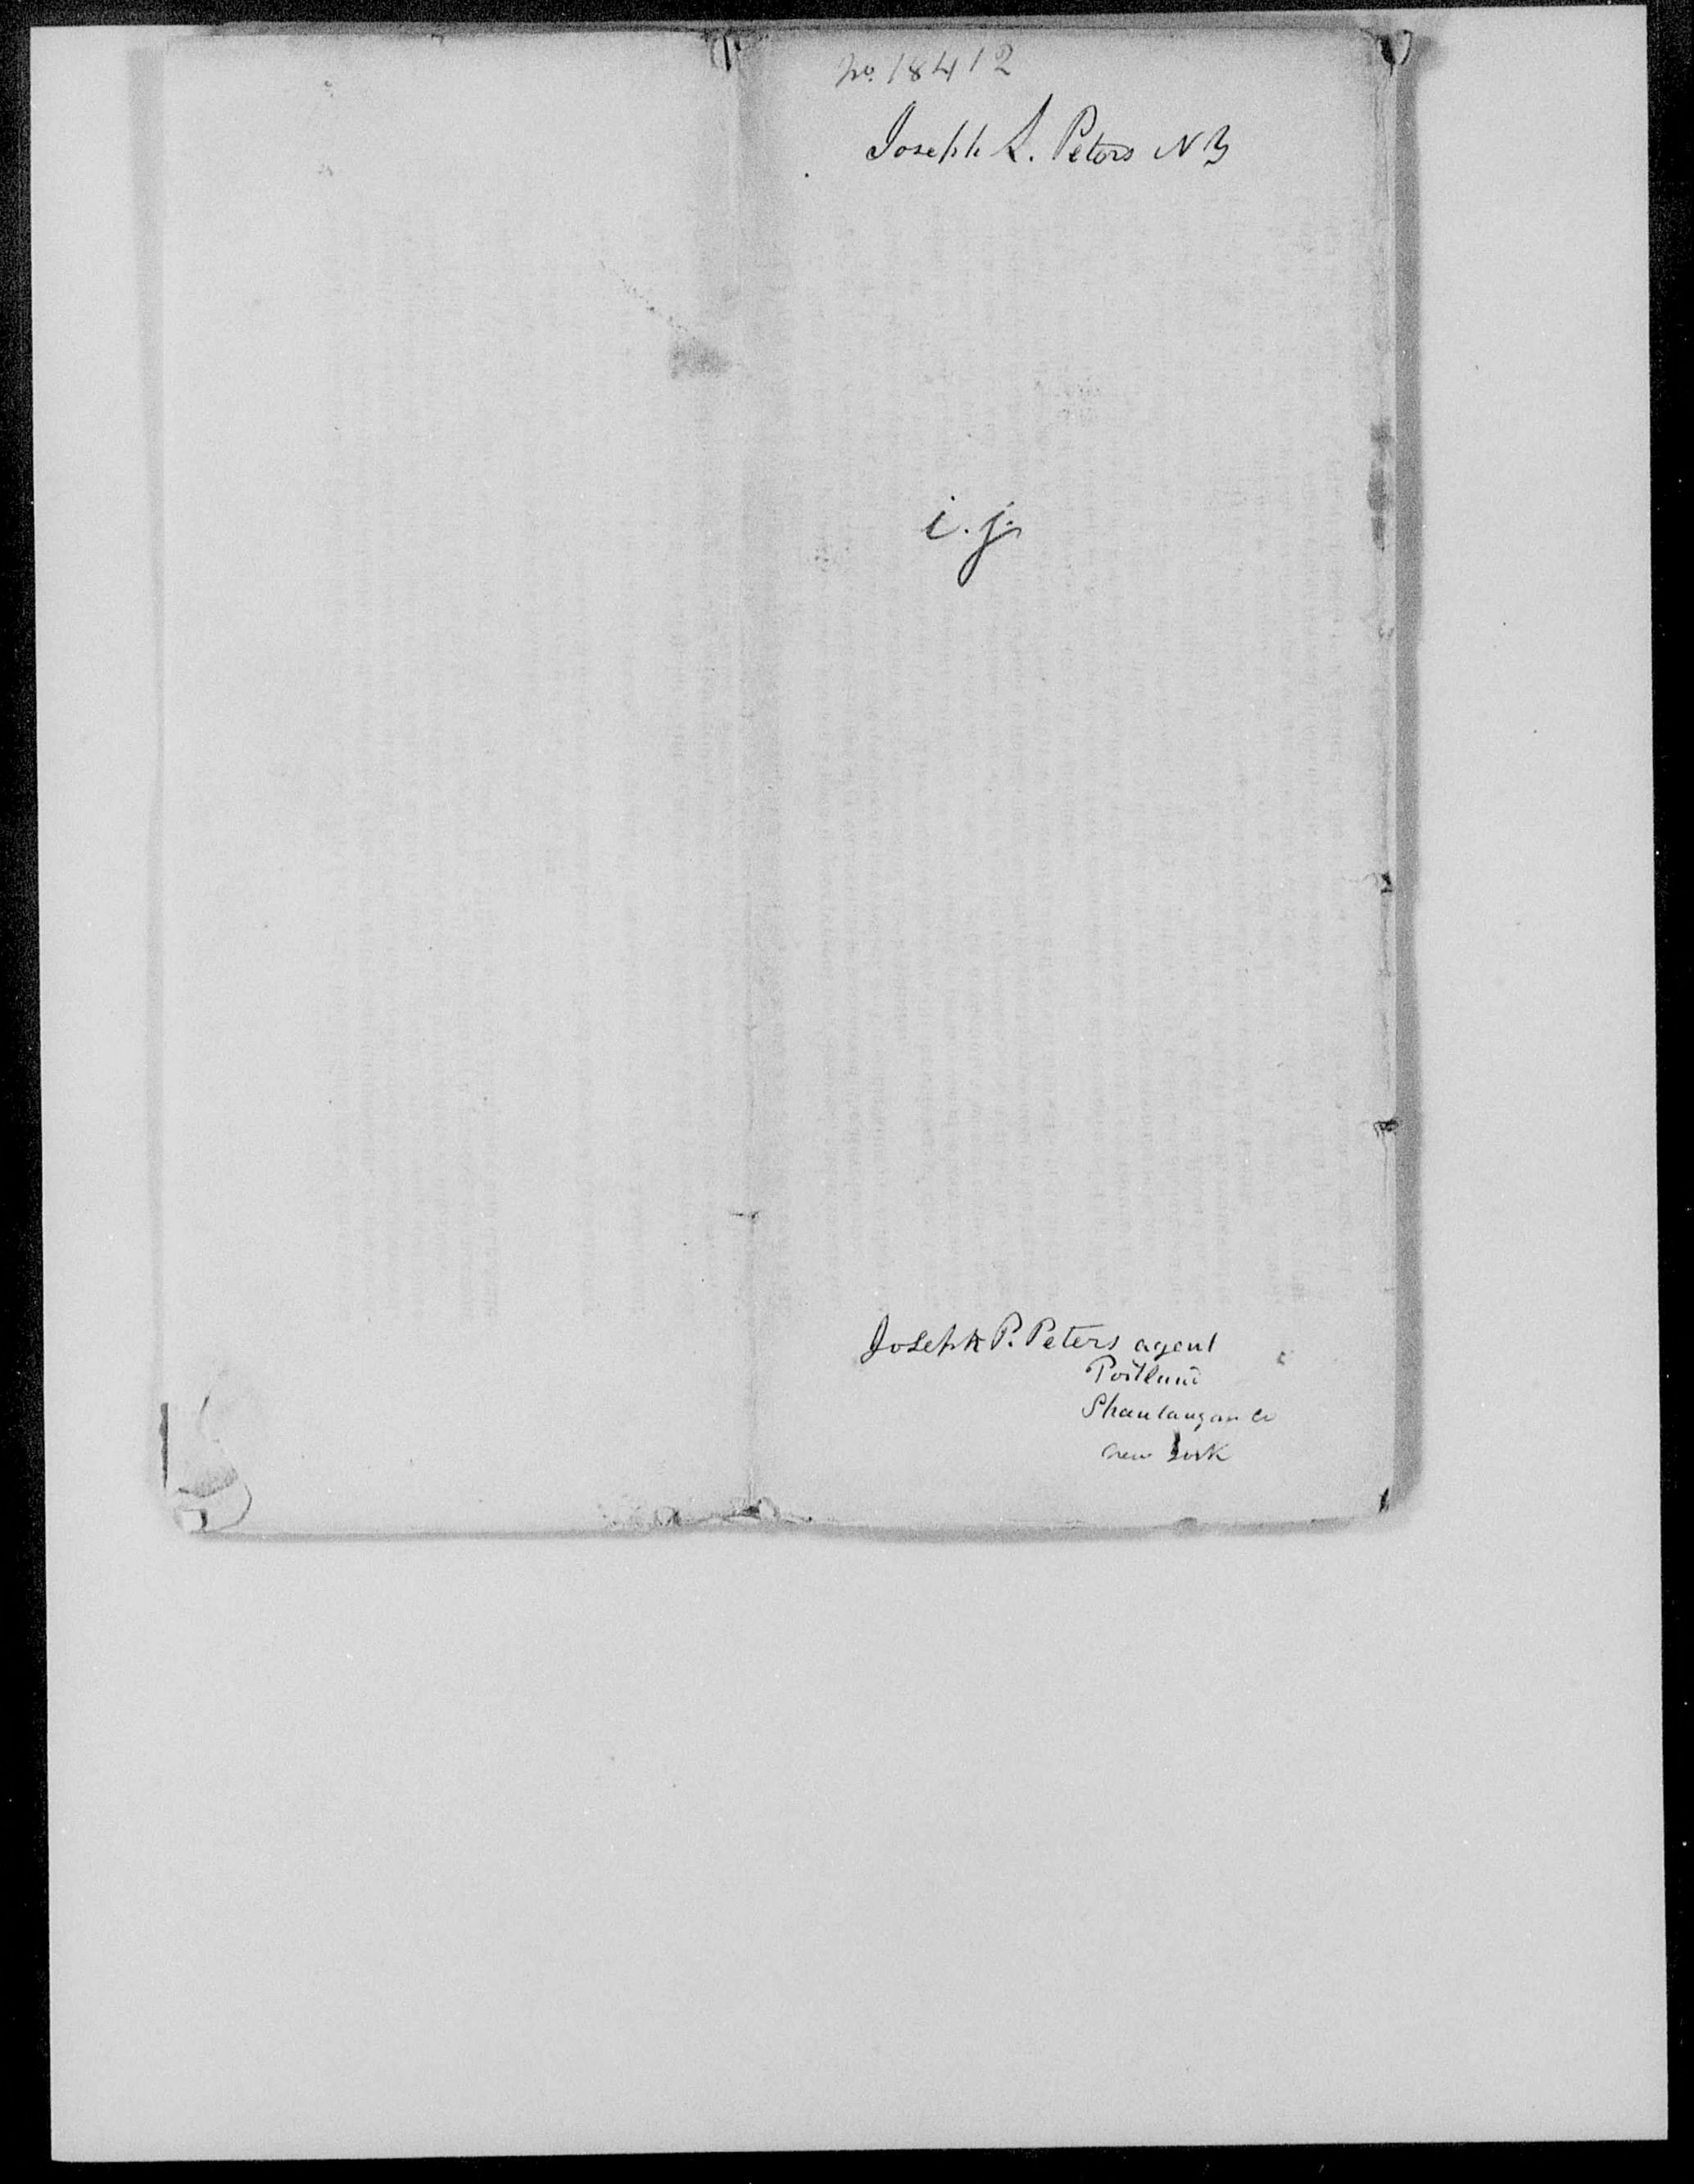No. 18412
Joseph L. Peters NY
i. j.
Joseph P. Peters agent Portland Shatauqua Co. New York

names: Joseph P Peters; Joseph L Peters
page: 5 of 73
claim: widow's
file: W. 2338, for Joseph P Peters, Connecticut